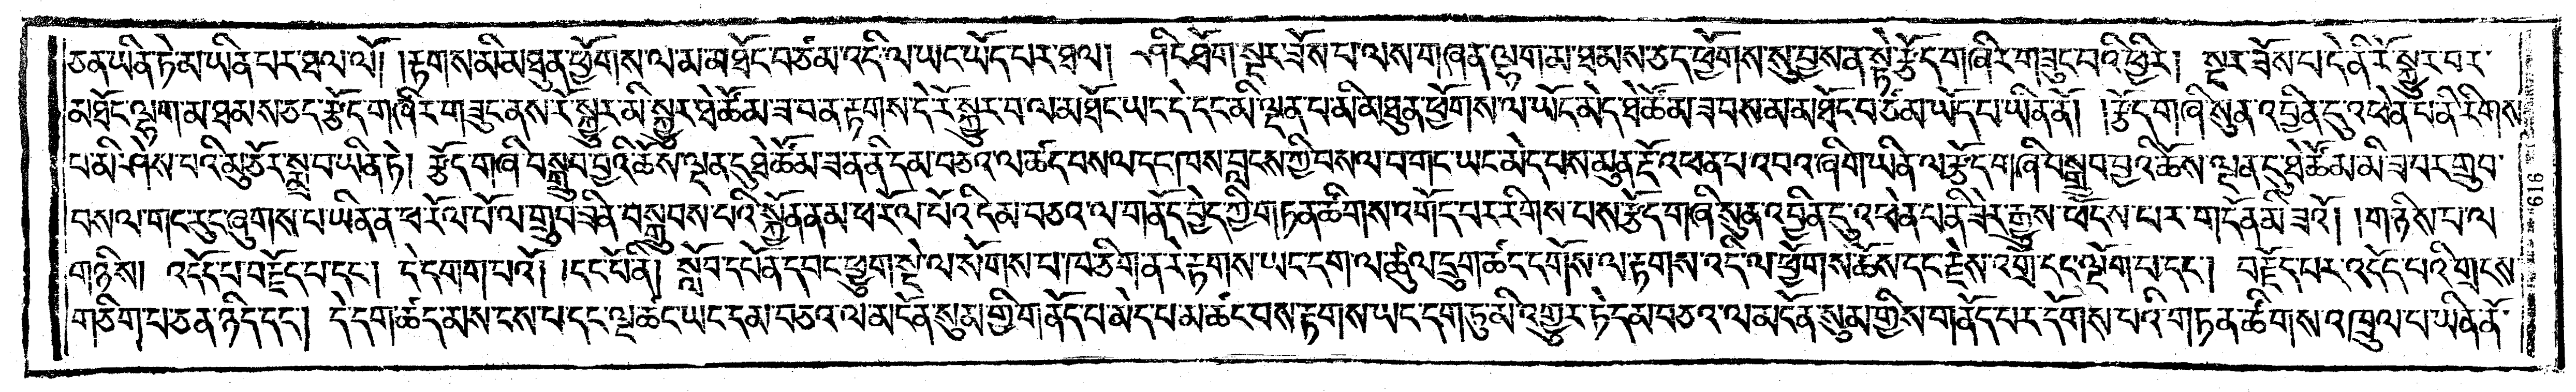ཅན་ཡིན་ཏེ་མ་ཡིན་པར་ཐལ་ལོ། །རྟགས་མི་མཐུན་ཕྱོགས་ལ་མ་མཐོང་བ་ཙམ་འདི་ལ་ཡང་ཡོད་པར་ཐལ། ཤིང་ཐོག་སྔར་ཟོས་པ་ལས་གཞན་ལྷག་མ་ཐམས་ཅད་ཕྱོགས་སུ་བྱས་ན་སྟེ་རྩོད་གཞིར་གཟུང་བའི་ཕྱིར། སྔར་ཟོས་པ་དེ་ནི་རོ་སྐྱུར་བར་
མཐོང་ལྷག་མ་ཐམས་ཅད་རྩོད་གཞིར་གཟུང་ནས་རོ་སྐྱུར་མི་སྐྱུར་ཐེ་ཚོམ་ཟ་བ་ན་རྟགས་དེ་རོ་སྐྱུར་བ་ལ་མཐོང་ཡང་དེ་དང་མི་ལྡན་པ་མི་མཐུན་ཕྱོགས་ལ་ཡོད་མེད་ཐེ་ཚོམ་ཟ་བས་མ་མཐོང་བ་ཙམ་ཡོད་པ་ཡིན་ནོ། །རྩོད་གཞི་སུན་འབྱིན་དུ་འཕེན་པ་ནི་རིགས་
པ་མི་ཤེས་པའི་མུ་ཅོར་སྨྲ་བ་ཡིན་ཏེ། རྩོད་གཞི་བསྒྲུབ་བྱའི་ཆོས་ལྡན་དུ་ཐེ་ཚོམ་ཟ་ན་ནི་དམ་བཅའ་ལ་ཚད་བསལ་དང་ཁས་བླངས་ཀྱི་བསལ་བ་གང་ཡང་མེད་པས་མུན་རྡོ་འཕན་པ་འབའ་ཞིག་ཡིན་ལ་རྩོད་གཞི་བསྒྲུབ་བྱའི་ཆོས་ལྡན་དུ་ཐེ་ཚོམ་མི་ཟ་བར་གྲུབ་
བསལ་གང་རུང་ཞུགས་པ་ཡིན་ན་ཕ་རོལ་པོ་ལ་གྲུབ་ཟིན་བསྒྲུབས་པའི་སྐྱོན་ནམ་ཕ་རོལ་པོའི་དམ་བཅའ་ལ་གནོད་བྱེད་ཀྱི་གཏན་ཚིགས་འགོད་པར་རིགས་པས་རྩོད་གཞི་སུན་འབྱིན་དུ་འཕེན་པ་ནི་ཟེར་རྒྱུས་ཕོངས་པར་གདོན་མི་ཟའོ། །གཉིས་པ་ལ་
གཉིས། འདོད་པ་བརྗོད་པ་དང་། དེ་དགག་པའོ། །དང་པོ་ནི། སློབ་དཔོན་དབང་ཕྱུག་སྡེ་ལ་སོགས་པ་ཁ་ཅིག་ན་རེ་རྟགས་ཡང་དག་ལ་ཚུལ་དྲུག་ཚང་དགོས་ལ་རྟགས་འདི་ལ་ཕྱོགས་ཆོས་དང་རྗེས་འགྲོ་དང་ལྡོག་པ་དང་། བརྗོད་པར་འདོད་པའི་གྲངས་
གཅིག་པ་ཅན་ཉིད་དང་། དེ་དག་ཚད་མས་ངས་པ་དང་ལྔ་ཚང་ཡང་དམ་བཅའ་ལ་མངོན་སུམ་གྱི་གནོད་པ་མེད་པ་མ་ཚང་བས་རྟགས་ཡང་དག་ཏུ་མི་འགྱུར་ཏེ་དམ་བཅའ་ལ་མངོན་སུམ་གྱིས་གནོད་པར་དོགས་པའི་གཏན་ཚིགས་འཁྲུལ་པ་ཡིན་ནོ་